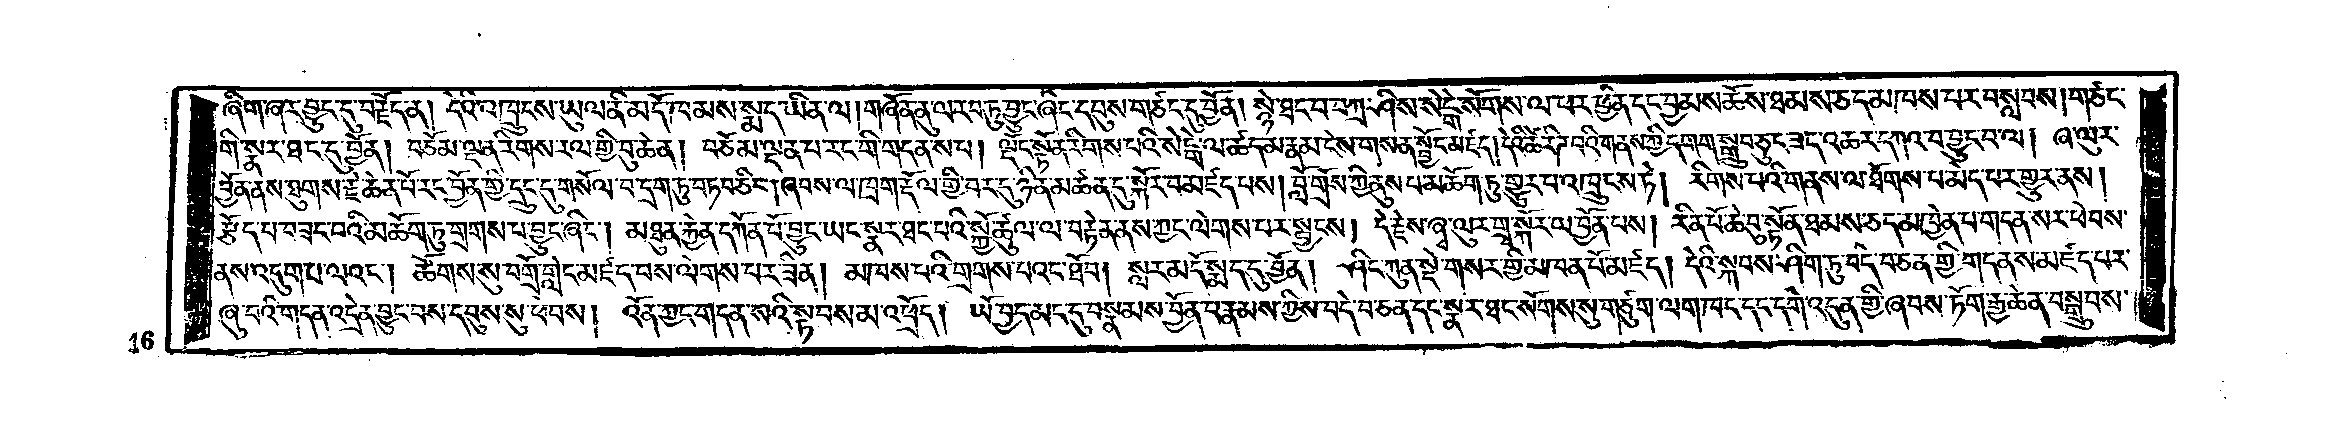ཞིག་ཞར་བྱུང་དུ་བརྗོད་ན། དེའི་འཁྲུངས་ཡུལ་ནི་མདོ་ཁམས་སྨད་ཡིན་ལ། གཞོན་ནུ་ལ་རབ་ཏུ་བྱུང་ཞིང་དབུས་གཙང་དུ་བྱོན། སྙེ་ཐང་པ་བཀྲ་ཤིས་སེངྒེ་སོགས་ལ་ཕར་ཕྱིན་དང་བྱམས་ཆོས་ཐམས་ཅད་མཁས་པར་བསླབས། གཙང་
གི་སྣར་ཐང་དུ་བྱོན། བཅོམ་ལྡན་རིགས་རལ་གྱི་བུ་ཆེན། བཅོམ་ལྡན་པ་རང་གི་གདན་ས་པ། ལྡོང་སྟོན་རིགས་པའི་སེངྒེ་ལ་ཚད་མ་རྣམ་ངེས་གསན་སྦྱོང་མཛད། དེའི་ཚེ་རིགས་པའི་གནས་ཀྱི་དགག་སྒྲུབ་ཅུང་ཟད་འཆར་དཀའ་བ་བྱུང་བ་ལ། ཞ་ལུར་
བྱོན་ནས་ཐུགས་རྗེ་ཆེན་པོ་རང་བྱོན་གྱི་དྲུང་དུ་གསོལ་བ་དྲག་ཏུ་བཏབ་ཅིང་། ཞབས་ལ་ཁྲག་རྡོལ་གྱི་བར་དུ་ཉིན་མཚན་དུ་སྐོར་བ་མཛད་པས། བློ་གྲོས་ཀྱི་ནུས་པ་མཆོག་ཏུ་གྱུར་པ་འཁྲུངས་ཏེ། རིགས་པའི་གནས་ལ་ཐོགས་པ་མེད་པར་གྱུར་ནས།
རྩོད་པ་བཟང་བའི་མཆོག་ཏུ་གྲགས་པ་བྱུང་ཞིང་། མཐུན་རྐྱེན་དཀོན་པོ་བྱུང་ཡང་སྣར་ཐང་པའི་སྐྱོ་ཚུལ་ལ་བརྟེན་ནས་ཀྱང་ལེགས་པར་སྦྱངས། དེ་རྗེས་ཞྭ་ལུར་གྲྭ་སྐོར་ལ་བྱོན་པས། རིན་པོ་ཆེ་བུ་སྟོན་ཐམས་ཅད་མཁྱེན་པ་གདན་སར་ཕེབས་
ནས་འདུག་པ་ལའང་། ཚོགས་སུ་བགྲོ་གླེང་མཛད་པས་ལེགས་པར་ཟིན། མཁས་པའི་གྲགས་པའང་ཐོབ། སླར་མདོ་སྨད་དུ་བྱོན། ཤིང་ཀུན་སྡེ་གསར་གྱི་མཁན་པོ་མཛད། དེའི་སྐབས་ཤིག་ཏུ་བདེ་བ་ཅན་གྱི་གདན་ས་མཛད་པར་
ཞུ་བའི་གདན་འདྲེན་བྱུང་བས་དབུས་སུ་ཕེབས། འོན་ཀྱང་གདན་སའི་སྟབས་མ་འཕྲོད། ཡོ་བྱད་མང་དུ་བསྣམས་བྱོན་པ་རྣམས་ཀྱིས་བདེ་བ་ཅན་དང་སྣར་ཐང་སོགས་སུ་གཙུག་ལག་ཁང་དང་དགེ་འདུན་གྱི་ཞབས་ཏོག་རྒྱ་ཆེན་བསྒྲུབས་